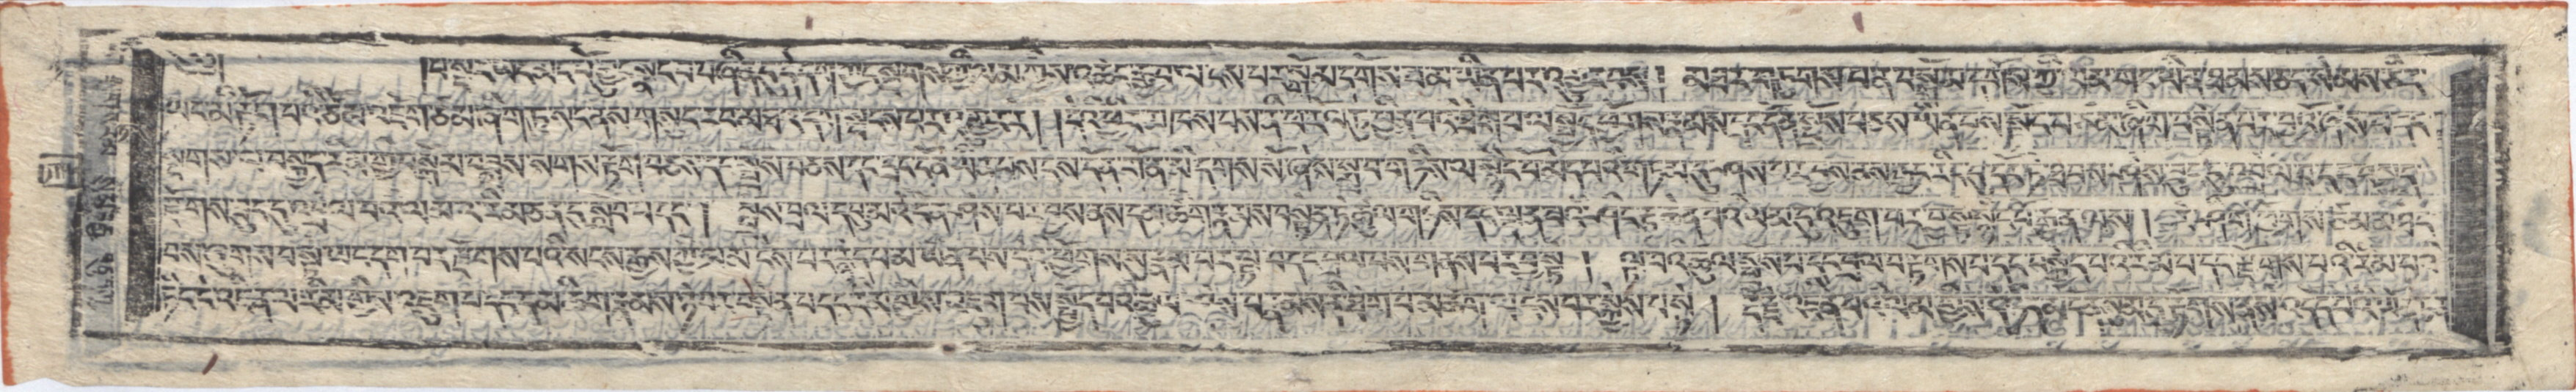༄༅། །པ་སྔར་ཡང་མང་པོ་བྱུང་སྣང་བ་བཞིན་དུ་དེ་དག་ཀྱང་སྔགས་ཀྱི་ལམ་གྱིས་འཚང་རྒྱ་བ་ལ་ངེས་པར་སྒོམ་དགོས་པ་མ་ཡིན་པར་འགྱུར་བས། མཐར་གཏུགས་པ་ན་བསྒོམ་དགོས་ཀྱི་ལམ་གང་ཡིན་ཐམས་ཅད་སེམས་ཅིར་
ཡང་མི་རྟག་པའི་ཙོམ་འཇོག་ཙམ་ཞིག་ཏུ་སང་ནས་གསུང་རབ་མཐའ་དག་སྤངས་པར་འགྱུར་རོ། །དེའི་ཕྱིར་མཁས་པས་ནི་ཕ་རོལ་ཏུ་ཕྱིན་པའི་ཐེག་པ་ལ་སྤྱོད་ཕྱོགས་རྣམས་དྲང་དོན་སྤྲོས་བཅས་ཡིན་པས་སྟོང་པ་ཙམ་ཞིག་བསྟེན་པར་བྱའོ་ཞེས་པ་དང་།
སྔགས་ལ་བསྐྱེད་རིམ་གྱི་བསྒོམ་བཟླས་སོགས་རྟོག་བཅས་དང་སྤྲོས་བཅས་དང་དྲང་དོན་ཡིན་པས་ངེས་དོན་གོ་ན་མི་དགོས་སོ་ཞེས་སྨྲ་བ་གཉིས་ལ་སྙིང་པོ་མེད་པའི་གཏམ་དུ་ཤེས་པར་བྱས་ནས་རྒྱང་རིང་དུ་དོར་ཏེ་ཐབས་ཤེས་ཟུང་དུ་འབྲེལ་བ་དང་བསྐྱེད་
རྫོགས་ཟུང་དུ་འབྲེལ་བའི་ལམ་ལ་རིམ་ཅན་དུ་སློབ་པ་དང་། སྤྲོས་བྲལ་དབུ་མའི་དོན་ཤེས་པར་བྱས་ནས་དམ་ཚིག་རྣམས་བསྟེན་ཏེ་ཚུལ་གཉིས་དང་ལྡན་པའི་ཤིང་རྟ་ཆེན་པོའི་ལམ་དུ་འཇུག་པར་བྱ་སྟེ་སྙིང་པོ་རྒྱན་ལས། རེ་ཤིག་ཕྱོགས་ཙམ་མཐོང་
བས་ཞུགས་པ་སྟེ་ཡང་དག་པར་རྫོགས་པའི་སངས་རྒྱས་ཀྱི་ལམ་ངེས་པར་རྙེད་པ་མ་ཡིན་པས་དེའི་ཕྱོགས་སུ་རྣམ་པར་ལྟ་བ་དང་བྲལ་བས་གནས་པར་བྱ་སྟེ། ལྟ་བའི་ཚུལ་སྤྲོས་པ་དང་བྲལ་བ་རྟོགས་པ་དང་བསྐྱེད་པའི་རིམ་པ་དང་རྫོགས་པའི་རིམ་པའི་
ཏིང་ངེ་འཛིན་ལ་རིམ་གྱིས་འཇུག་པ་དང་དམ་ཚིག་རྣམས་ཉེ་བར་བསྟེན་པ་དང་རིམ་གྱིས་འཇུག་པས་སྤྱོད་པའི་ཚུལ་ཤེས་པ་རྣམས་ནི་ཐེག་པ་མཆོག་ལ་ངེས་པར་སྐྱེས་པ་སྟེ། རྡོ་རྗེ་འཛིན་པའི་ལམ་གྱིས་དེ་ཉིད་མངོན་སུམ་དུ་རྟོགས་ནས་འདོད་པའི་ཡོན་ཏན་